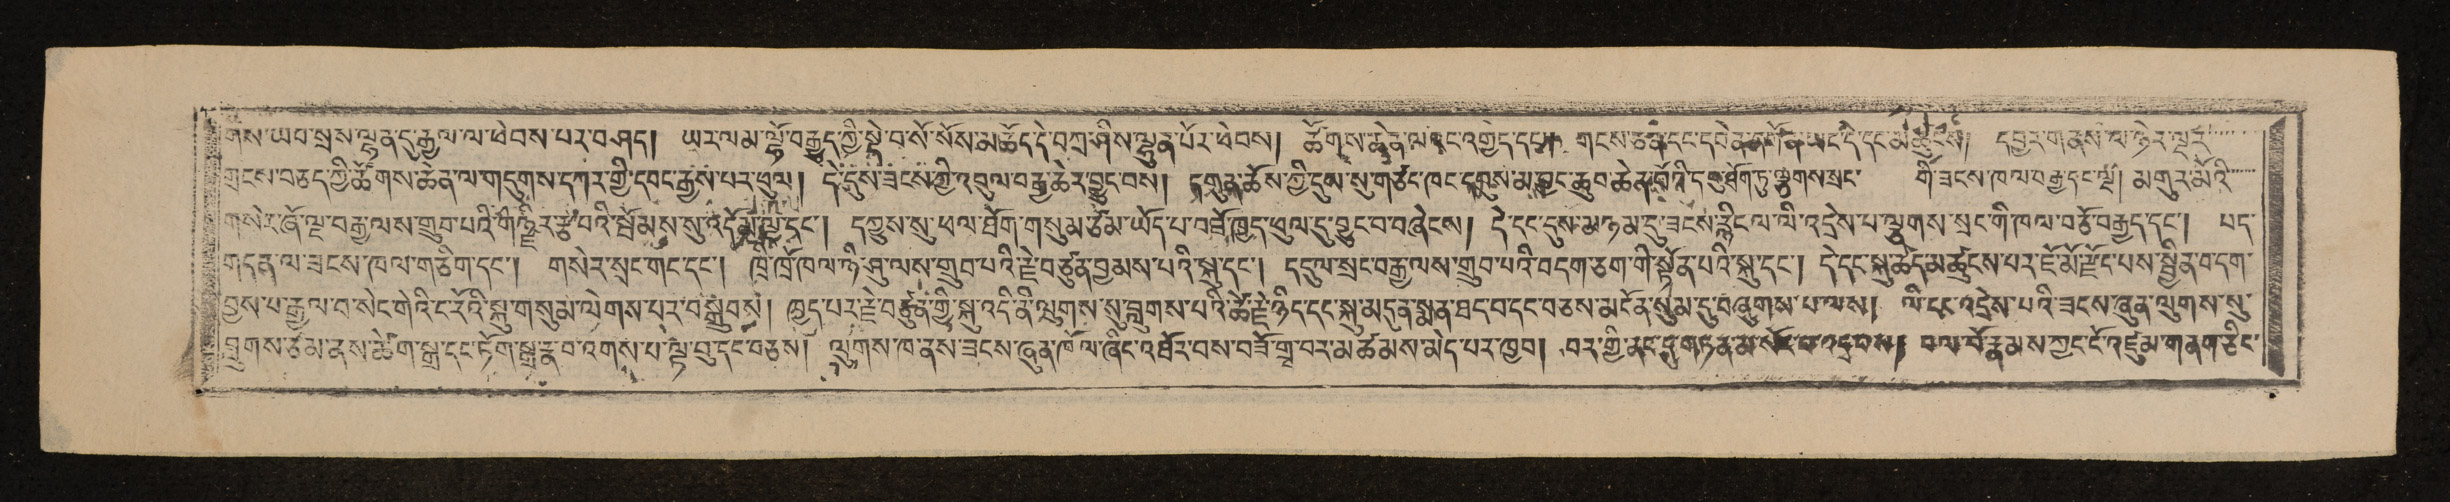གིས་ཡབ་སྲས་ལྷན་དུ་རྒྱལ་ལ་ཕེབས་པར་བཤད། ཡར་ལམ་ལྷོ་བརྒྱུད་ཀྱི་སྡེ་པ་སོ་སོས་མཆོད་དེ་བཀྲ་ཤིས་ལྷུན་པོར་ཕེབས། ཚོགས་ཆེན་ལའང་འགྱེད་དང་། གངས་ཅན་དང་དབེན་དགོན་ཡང་དེ་དང་མཚུངས། དབྱར་གནས་ལ་ཉེར་ལྔར་
གྲངས་བཅད་ཀྱི་ཚོགས་ཆེན་ལ་གདུགས་དཀར་གྱི་དབང་རྒྱས་པར་ཕུལ། དེ་དུས་ཟངས་ཀྱི་འབུལ་བ་རྒྱ་ཆེར་བྱུང་བས། དགུན་ཆོས་ཀྱི་དུས་སུ་གཙང་ཁང་དབུས་མ་བྱང་ཆུབ་ཆེན་པོའི་དབུ་ཐོག་ཏུ་ལྕགས་སྲང་གི་ཟངས་ཁལ་བརྒྱ་དང་ལྔ། མགུར་མོའི་
གསེར་ཞོ་ལྔ་བརྒྱ་ལས་གྲུབ་པའི་གཉྫིར་རྩ་བའི་སྦོམས་སུ་འདོམ་ལྔ་དང་། དཀྱུས་སུ་ཕལ་ཐོག་གསུམ་ཙམ་ཡོད་པ་བཟོ་ཁྱད་ཕུལ་དུ་བྱུང་བ་བཞེངས། དེ་དང་དུས་མཉམ་དུ་ཟངས་རྙིང་ལ་ལི་འདྲེས་པ་ལྕགས་སྲང་གི་ཁལ་བཅོ་བརྒྱད་དང་། པད་
གདན་ལ་ཟངས་ཁལ་གཅིག་དང་། གསེར་སྲང་གང་དང་། ཁྲི་ཁྲོ་ཁལ་ཉི་ཤུ་ལས་གྲུབ་པའི་རྗེ་བཙུན་བྱམས་པའི་སྐུ་དང་། དངུལ་སྲང་བརྒྱ་ལས་གྲུབ་པའི་བདག་ཅག་གི་སྟོན་པའི་སྐུ་དང་། དེ་དང་སྐུ་ཚད་མཚུངས་པར་ཇོ་མོ་རྫོང་པས་སྦྱིན་བདག་
བྱས་པ་རྒྱལ་བ་སེང་གེའི་ང་རོའི་སྐུ་གསུམ་ལེགས་པར་བསྒྲུབས། ཁྱད་པར་རྗེ་བཙུན་གྱི་སྐུ་འདི་ནི་ལུགས་སུ་བླུགས་པའི་ཚེ་རྗེ་ཉིད་དང་སྐུ་མདུན་སྨན་ཐང་བ་དང་བཅས་མངོན་སུམ་དུ་བཞུགས་བ་ལས། ལི་དང་འདྲེས་པའི་ཟངས་ཞུན་ལུགས་སུ་
བླུགས་ཙམ་ནས་ཚེག་སྒྲ་དང་ཏོག་སྒྲ་རྣ་བ་འགས་པ་ལྟ་བུ་དང་བཅས། ལུགས་ཁ་ནས་ཟངས་ཞུན་ཁོལ་ཞིང་འཐོར་བས་བཟོ་གྲྭ་བར་མཚམས་མེད་པར་ཁྱབ། པར་གྱི་ནང་དུ་གཏན་མ་སོང་བ་འདྲ་བས། བལ་པོ་རྣམས་ཀྱང་ངོ་འཛུམ་གནག་ཅིང་